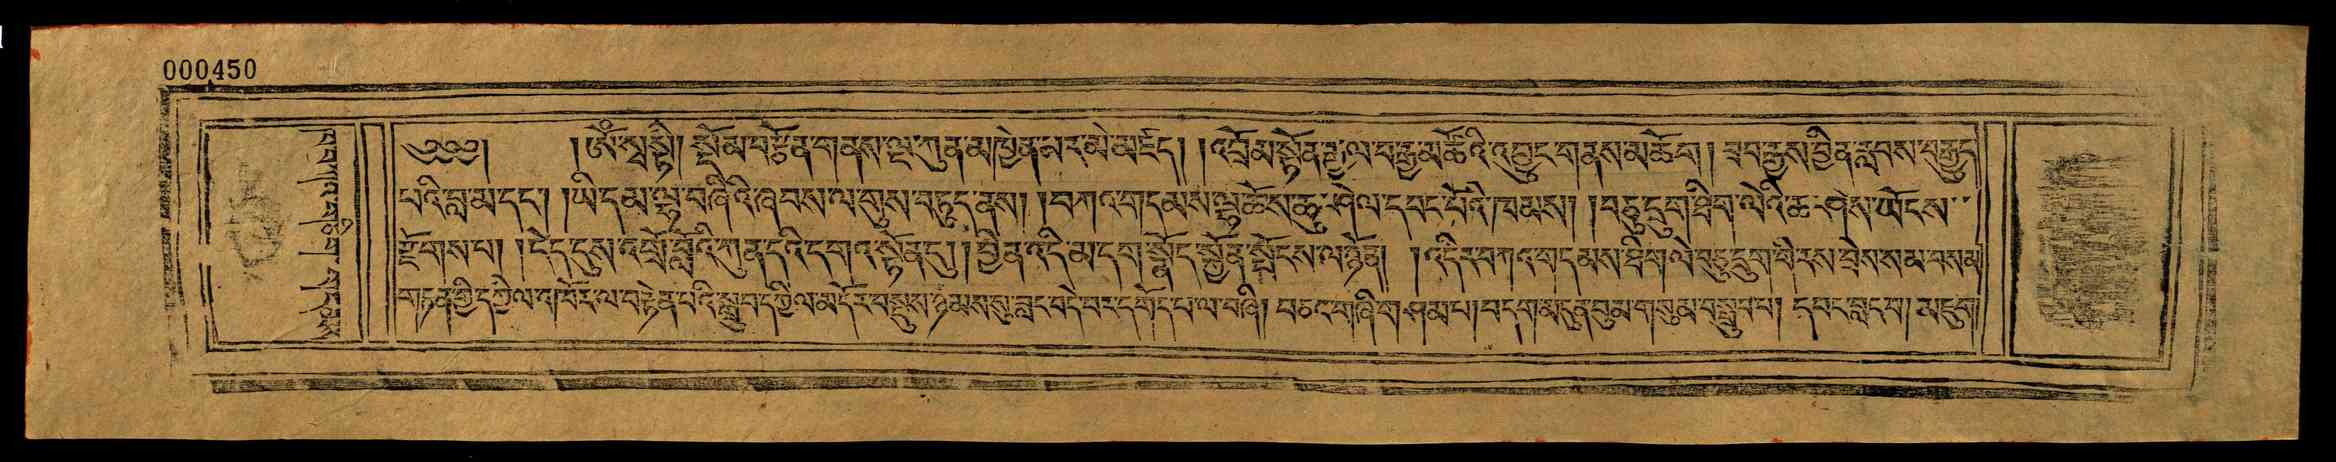༄༅། །ཨོཾ་སྭ་སྟི། སྡོམ་བརྩོན་གནས་ལྔ་ཀུན་མཁྱེན་མར་མེ་མཛད། །འབྲོམ་སྟོན་རྒྱལ་བ་རྒྱ་མཚོའི་འབྱུང་གནས་མཆོག །ཟབ་རྒྱས་བྱིན་རླབས་བརྒྱུད་
པའི་བླ་མ་དང་། །ཡི་དམ་ལྷ་བཞིའི་ཞབས་ལ་གུས་བཏུད་ནས། །བཀའ་གདམས་ལྷ་ཆོས་ཆུ་ཤེལ་དབང་པོའི་ཁམས། །བཅུ་དྲུག་ཐིག་ལེའི་ཆ་ཤས་ཡོངས་
རྫོགས་པ། །དེང་དུས་འགྲོ་བློའི་ཀུན་དའི་དགའ་སྟོན་དུ། །བྱིན་འདི་མ་དག་སྣོད་སྐྱོན་སྤོངས་ལ་ཉོན། །འདིར་བཀའ་གདམས་ཐིག་ལེ་བཅུ་དྲུག་གི་རས་བྲིས་སམ་བསམ་
གཏན་གྱི་དཀྱིལ་འཁོར་ལ་བརྟེན་པའི་སྒྲུབ་དཀྱིལ་མདོར་བསྡུས་ཉམས་སུ་བླང་བདེ་བར་དགོད་པ་ལ་བཞི། བཅའ་གཞི་གཤམ་པ། བདག་མདུན་བུམ་གསུམ་བསྒྲུབ་པ། དབང་བླང་བ། མཇུག་